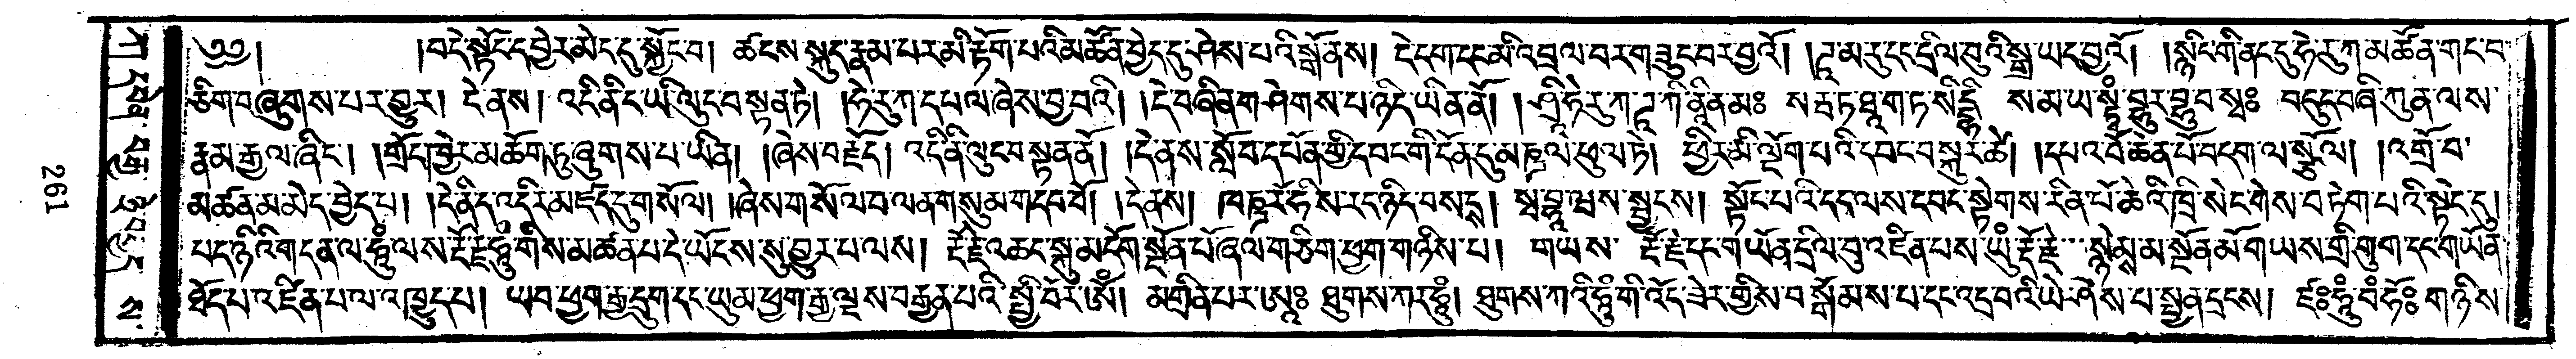༄༅། །བདེ་སྟོང་དབྱེར་མེད་དུ་སྐྱོང་བ། ཚངས་སྐུད་རྣམ་པར་མི་རྟོག་པའི་མཚོན་བྱེད་དུ་ཤེས་པའི་སྒོ་ནས། དེ་དག་དང་མི་འབྲལ་བར་གཟུང་བར་བྱའོ། །ཌཱ་མ་རུ་དང་དྲིལ་བུའི་སྒྲ་ཡང་བྱའོ། །སྙིང་གི་ནང་དུ་ཧེ་རུ་ཀ་མཚོན་གང་བ་
ཅིག་བཞུགས་པར་བྱུར། དེ་ནས། འདི་ནི་ང་ཡི་ལུང་བསྟན་ཏེ། །ཧེ་རུ་ཀ་དཔལ་ཞེས་བྱ་བའི། །དེ་བཞིན་གཤེགས་པ་ཉིད་ཡིན་ནོ། །ཤྲཱི་ཧེ་རུ་ཀ་ཌཱ་ཀི་ནཱི་ན་མཿ སརྦ་ཏ་ཐཱ་ག་ཏ་སིདྡྷི་ས་མ་ཡ་སྟྭཾ་བྷུར་བྷུ་བ་སྭཿ བདུད་བཞི་ཀུན་ལས་
རྣམ་རྒྱལ་ཞིང་། །གྲོང་ཁྱེར་མཆོག་ཏུ་ཞུགས་པ་ཡིན། །ཞེས་བརྗོད། འདི་ནི་ལུང་བསྟན་ནོ། །དེ་ནས་སློབ་དཔོན་གྱི་དབང་གི་དོན་དུ་མཎྜལ་ཕུལ་ཏེ། ཕྱིར་མི་ལྡོག་པའི་དབང་བསྐུར་ཚེ། །དཔའ་བོ་ཆེན་པོ་བདག་ལ་སྩོལ། །འགྲོ་བ་
མཚན་མ་མེད་བྱེད་པ། །དེ་ནི་ད་འདིར་མཛད་དུ་གསོལ། །ཞེས་གསོལ་བ་ལན་གསུམ་གདབ་བོ། །དེ་ནས། ཁཎྜ་རོ་ཧིས་རང་ཉིད་བསངས། སྭ་བྷཱ་ཝས་སྦྱངས། སྟོང་པའི་ངང་ལས་དབང་སྟེགས་རིན་པོ་ཆེའི་ཁྲི་སེང་གེས་བཏེག་པའི་སྟེང་དུ།
པད་ཉིའི་གདན་ལ་ཧཱུཾ་ལས་རྡོ་རྗེ་ཧཱུཾ་གིས་མཚན་པ་དེ་ཡོངས་སུ་གྱུར་པ་ལས། རྡོ་རྗེ་འཆང་སྐུ་མདོག་སྔོན་པོ་ཞལ་གཅིག་ཕྱག་གཉིས་པ། གཡས་རྡོ་རྗེ་དང་གཡོན་དྲིལ་བུ་འཛིན་པས་ཡུཾ་རྡོ་རྗེ་སྙེམས་མ་སྔོན་མོ་གཡས་གྲི་གུག་དང་གཡོན་
ཐོད་པ་འཛིན་པ་ལ་འཁྱུད་པ། ཡབ་ཕྱག་རྒྱ་དྲུག་དང་ཡུམ་ཕྱག་རྒྱ་ལྔས་བརྒྱན་པའི་སྤྱི་བོར་ཨོཾ། མགྲིན་པར་ཨཱཿ ཐུགས་ཀར་ཧཱུཾ། ཐུགས་ཀའི་ཧཱུཾ་གི་འོད་ཟེར་གྱིས་བསྒོམས་པ་དང་འདྲ་བའི་ཡེ་ཤེས་པ་སྤྱན་དྲངས། ཛཿ ཧཱུཾ་བཾ་ཧོཿ གཉིས་